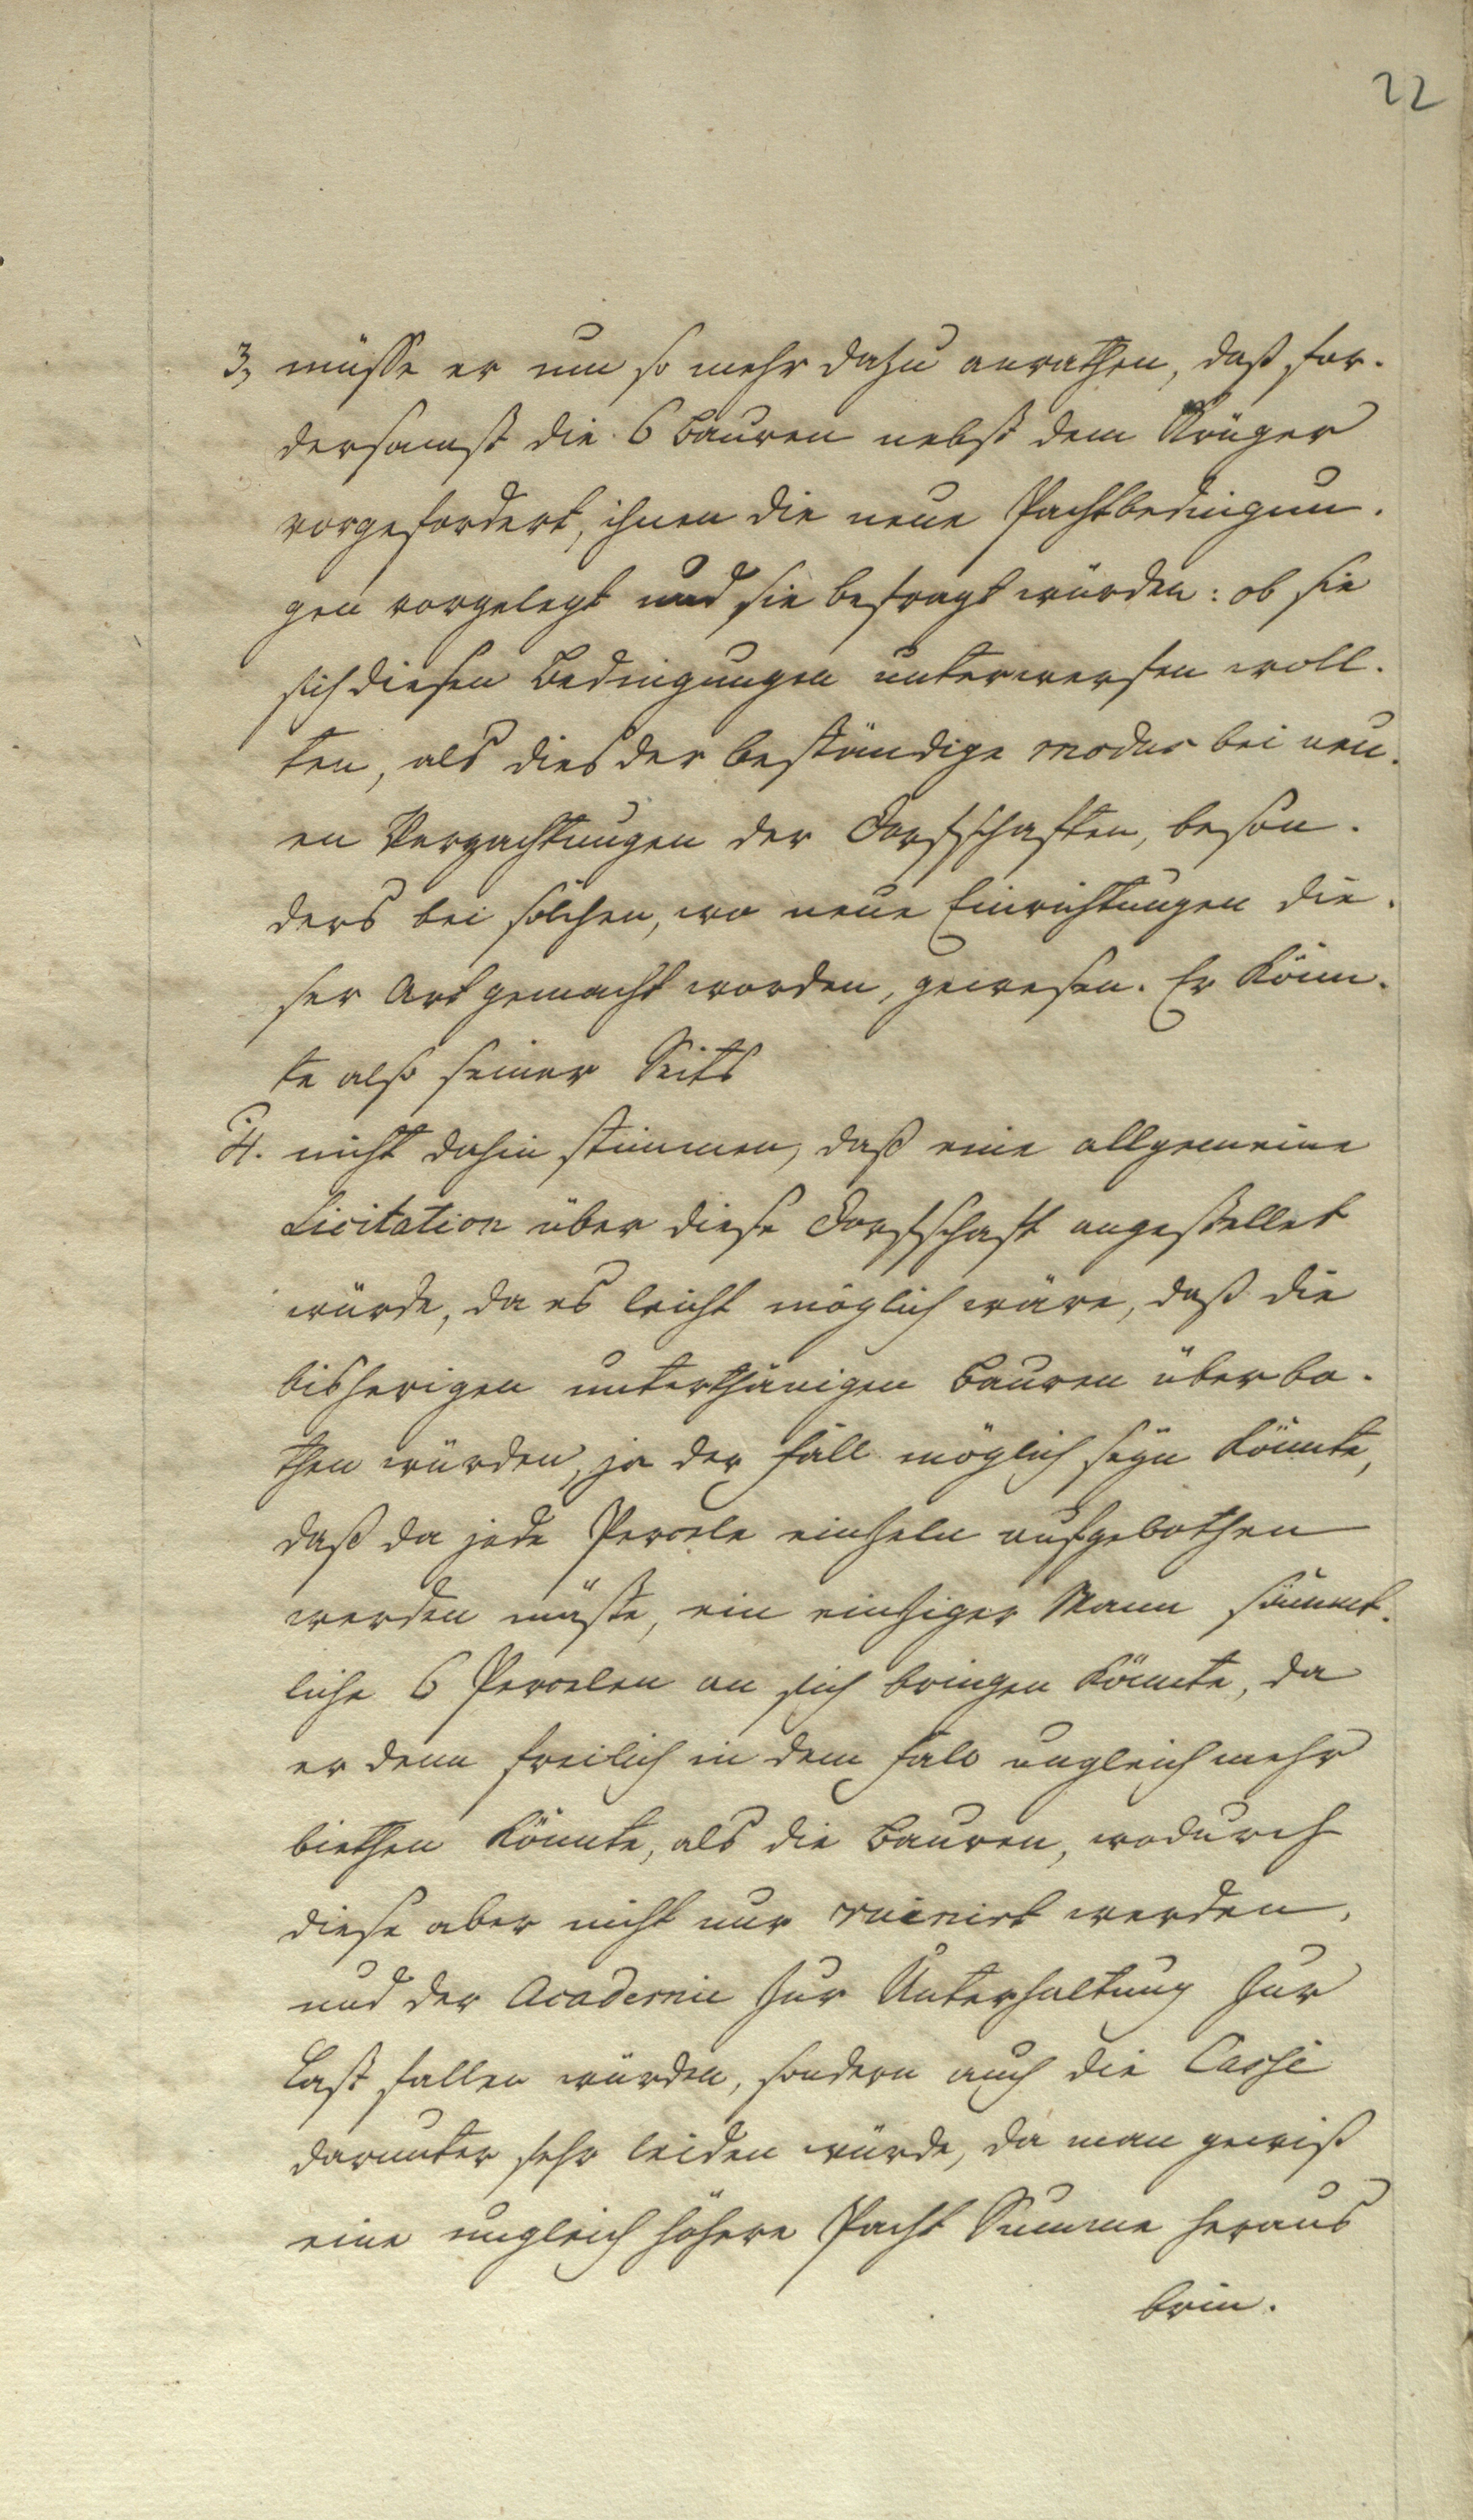3., müsse er um so mehr dazu anrathen, daß for¬
dersamst die 6 Bauren nebst dem Krüger
vorgefordert, ihnen die neue Pachtbedingun¬
gen vorgelegt und sie befragt würden: ob sie
sich diesen Bedingungen unterwerfen woll¬
ten, als dies der beständige modus bei neu¬
en Verpachtungen der Dorfschaften, beson¬
ders bei solchen, wo neue Einrichtungen die¬
ser Art gemacht worden, gewesen. Er könn¬
te also seiner Seits.
4. nicht dahin stimmen, daß eine allgemeine
Licitation über diese Dorfschaft angestellet
würde, da es leicht möglich wäre, daß die
bisherigen unterthänigen Bauren überbo-
then würden, ja der Fall möglich seyn könnte,
daß da jede Parcele einzeln aufgebothen
werden müßte, ein einziger Mann sämmt-
liche 6 Parcelen an sich bringen könnte, da
er denn freilich in dem Fall ungleich mehr
biethen könnte, als die Bauren, wodurch
diese aber nicht nur ruinirt werden,
und der Academie zur Unterhaltung zur
Last fallen würden, sondern auch die Casse
darunter sehr leiden würde, da man gewiß
eine ungleich höhere Pacht Summe heraus
brin-